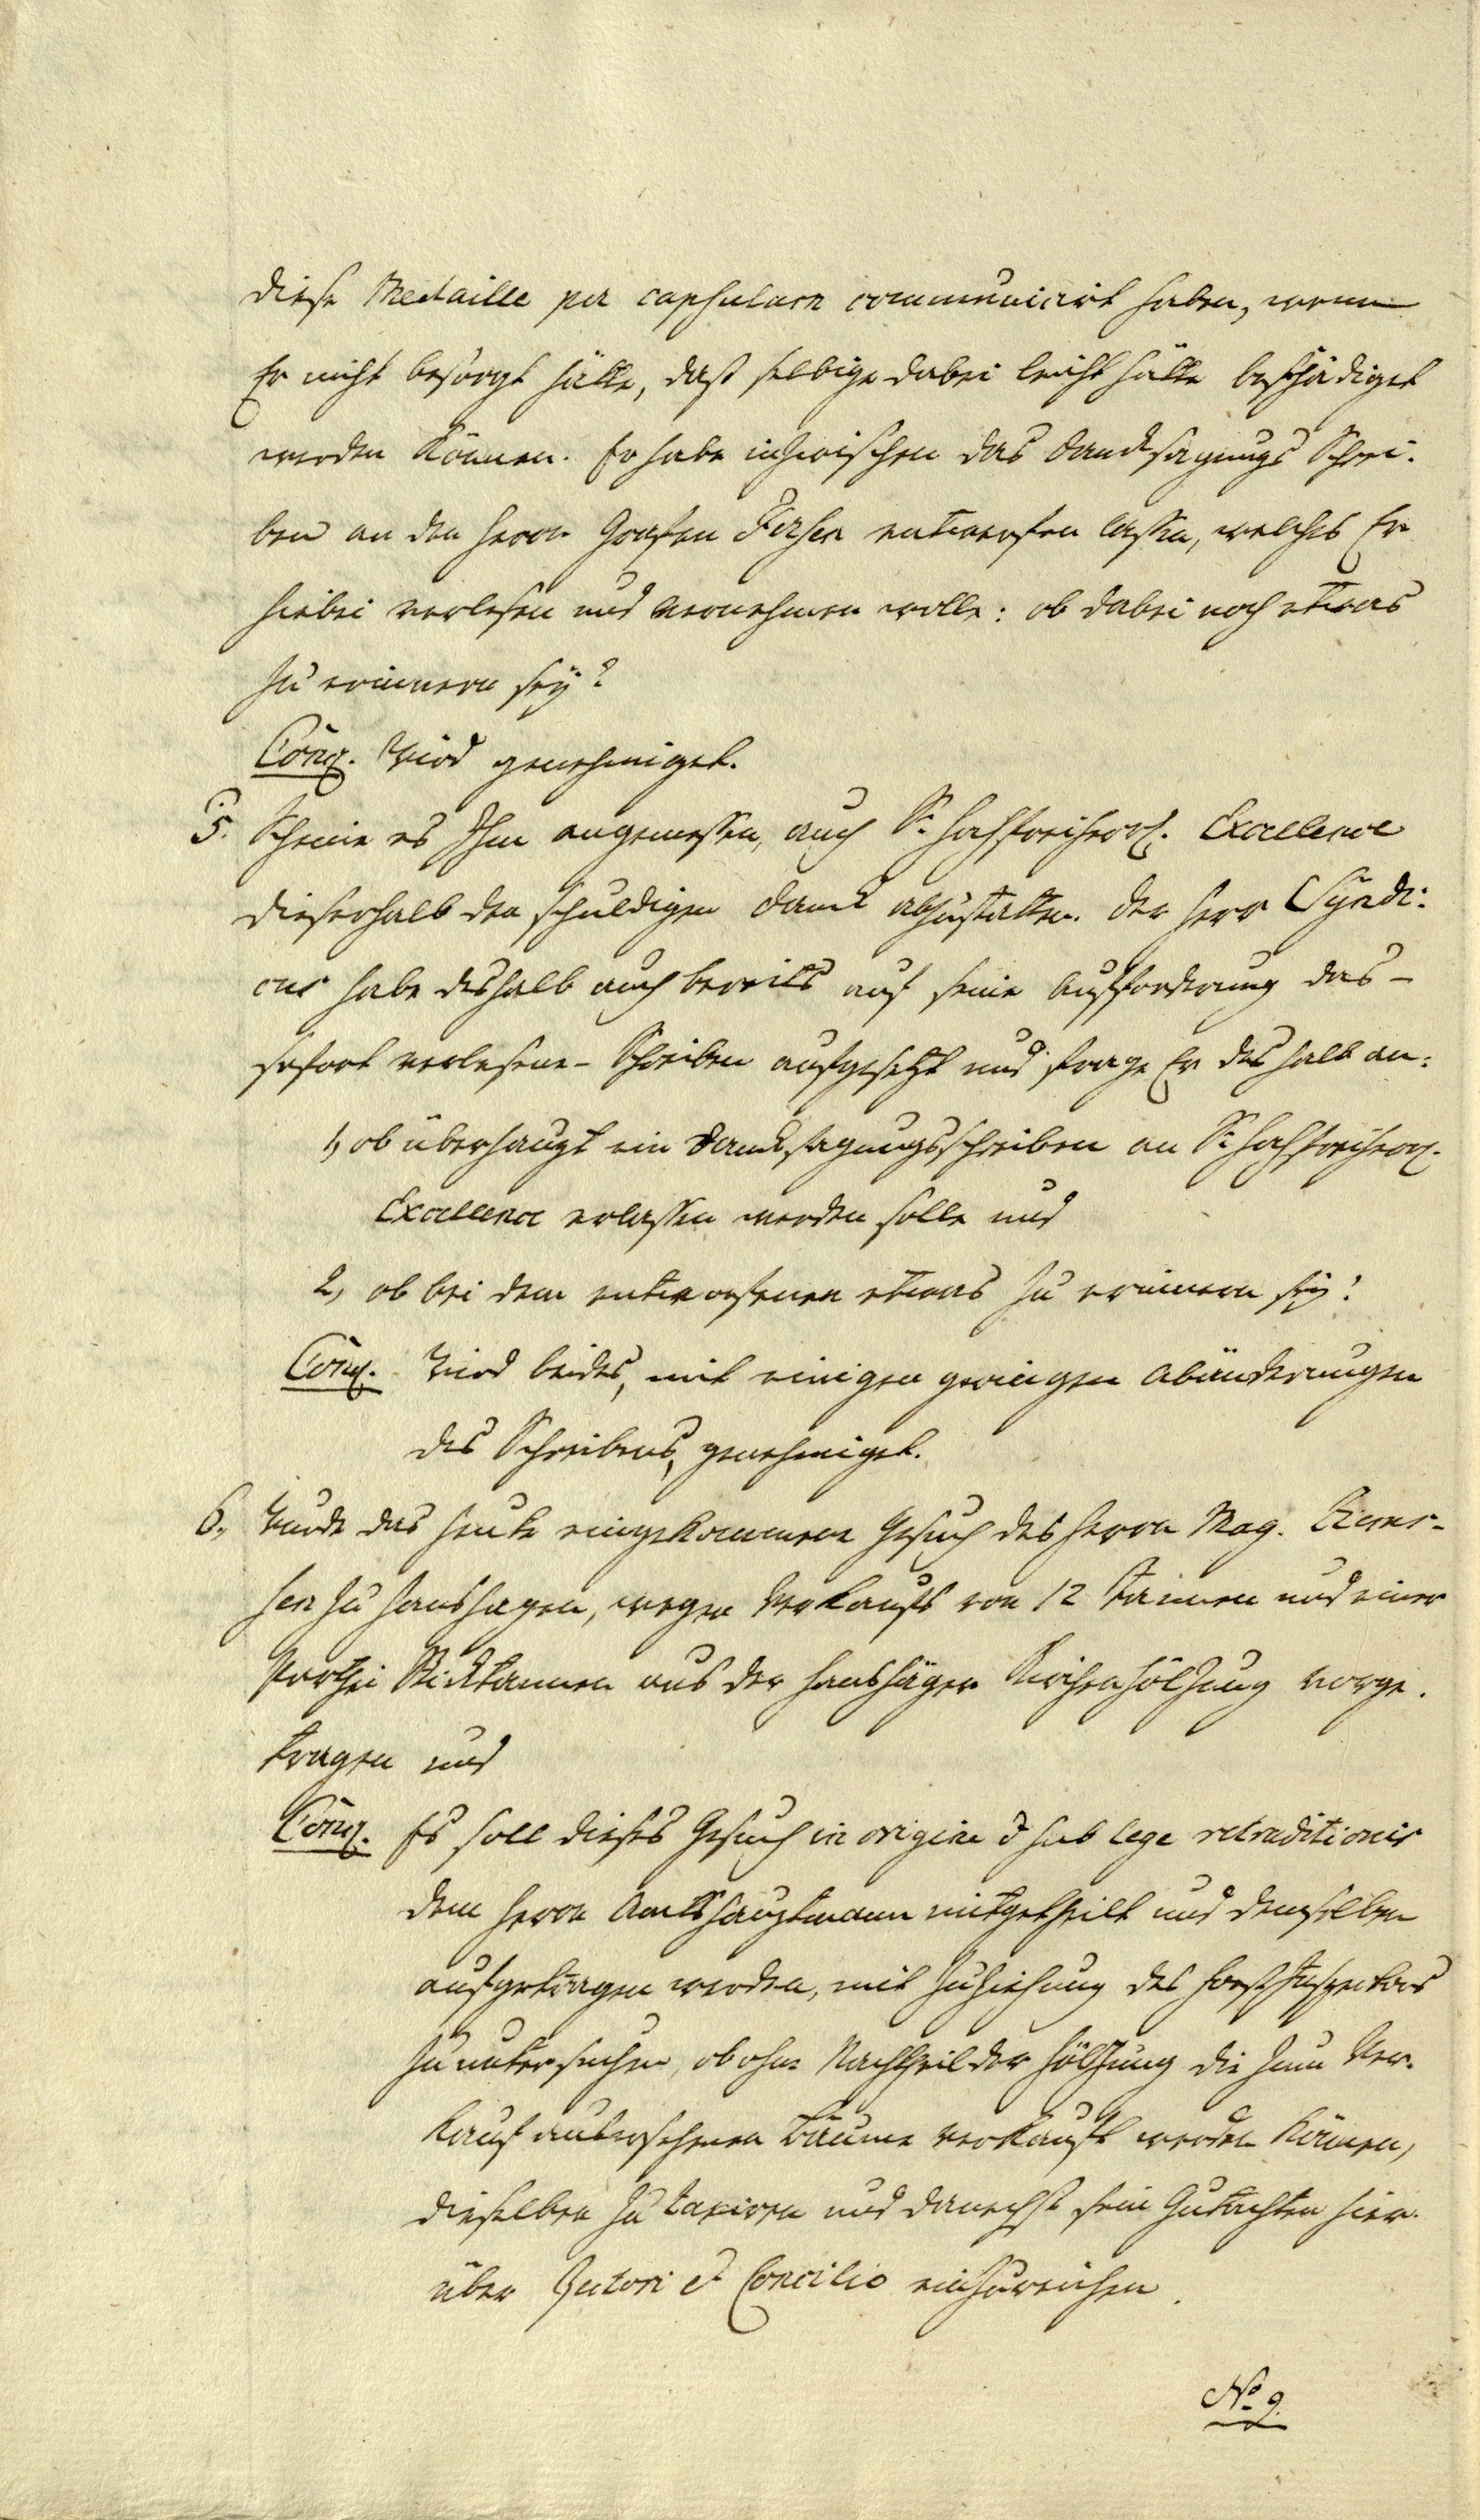diese Medaille per capsulam communicirt haben, wenn
Er nicht besorgt hätte, daß selbige dabei leicht hätte beschädiget
werden können. Er habe inzwischen das Dancksagungs Schrei¬
ben an den herrn Grafen Fersen entwerfen lassen, welches Er
hiebei vorlesen und vernehmen wolle: ob dabei noch etwas
zu erinnern seÿ?
Concl. Wird genehmiget.
5. Scheine es Ihm angemessen, auch Sr. hochfreiherrl. Excellence
dieserhalb den schuldigen Danck abzustatten. Der herr Sÿndi¬
cus habe deshalb auch bereits auf seine Aufforderung das -
sofort verlesene - Schreiben aufgesetzt und frage Er deshalb an:
1, ob überhaupt ein Dancksagungsschreiben an Sr. hochfreiherrl.
Excellence erlassen werden solle und
2, ob bei dem entworfenen etwas zu erinnern seÿ?
Concl. Wird beides, mit einigen geringen Abänderungen
des Schreibens, genehmiget.
6. Wurde das heute eingekommene Gesuch des herrn Mag. Ziems¬
sen zu hanshagen, wegen Verkaufs von 12 Tannen und einer
Parthei Sticktannen aus der hanshäger Kirchenhölzung vorge¬
tragen und
Concl. Es soll dieses Gesuch im origine et sub lege retraditionis
dem herrn Amtshauptmann mitgetheilt und demselben
aufgetragen werden, mit Zuziehung des ForstInspecktors
zu untersuchen, ob ohne Nachtheil der Hölzung die zum Ver¬
kauf ausersehenen Bäume verkauft werden können,
dieselben zu taxiren und danechst sein Gutachten hier¬
über Rectori et Concilio einzureichen.
Nº 9.